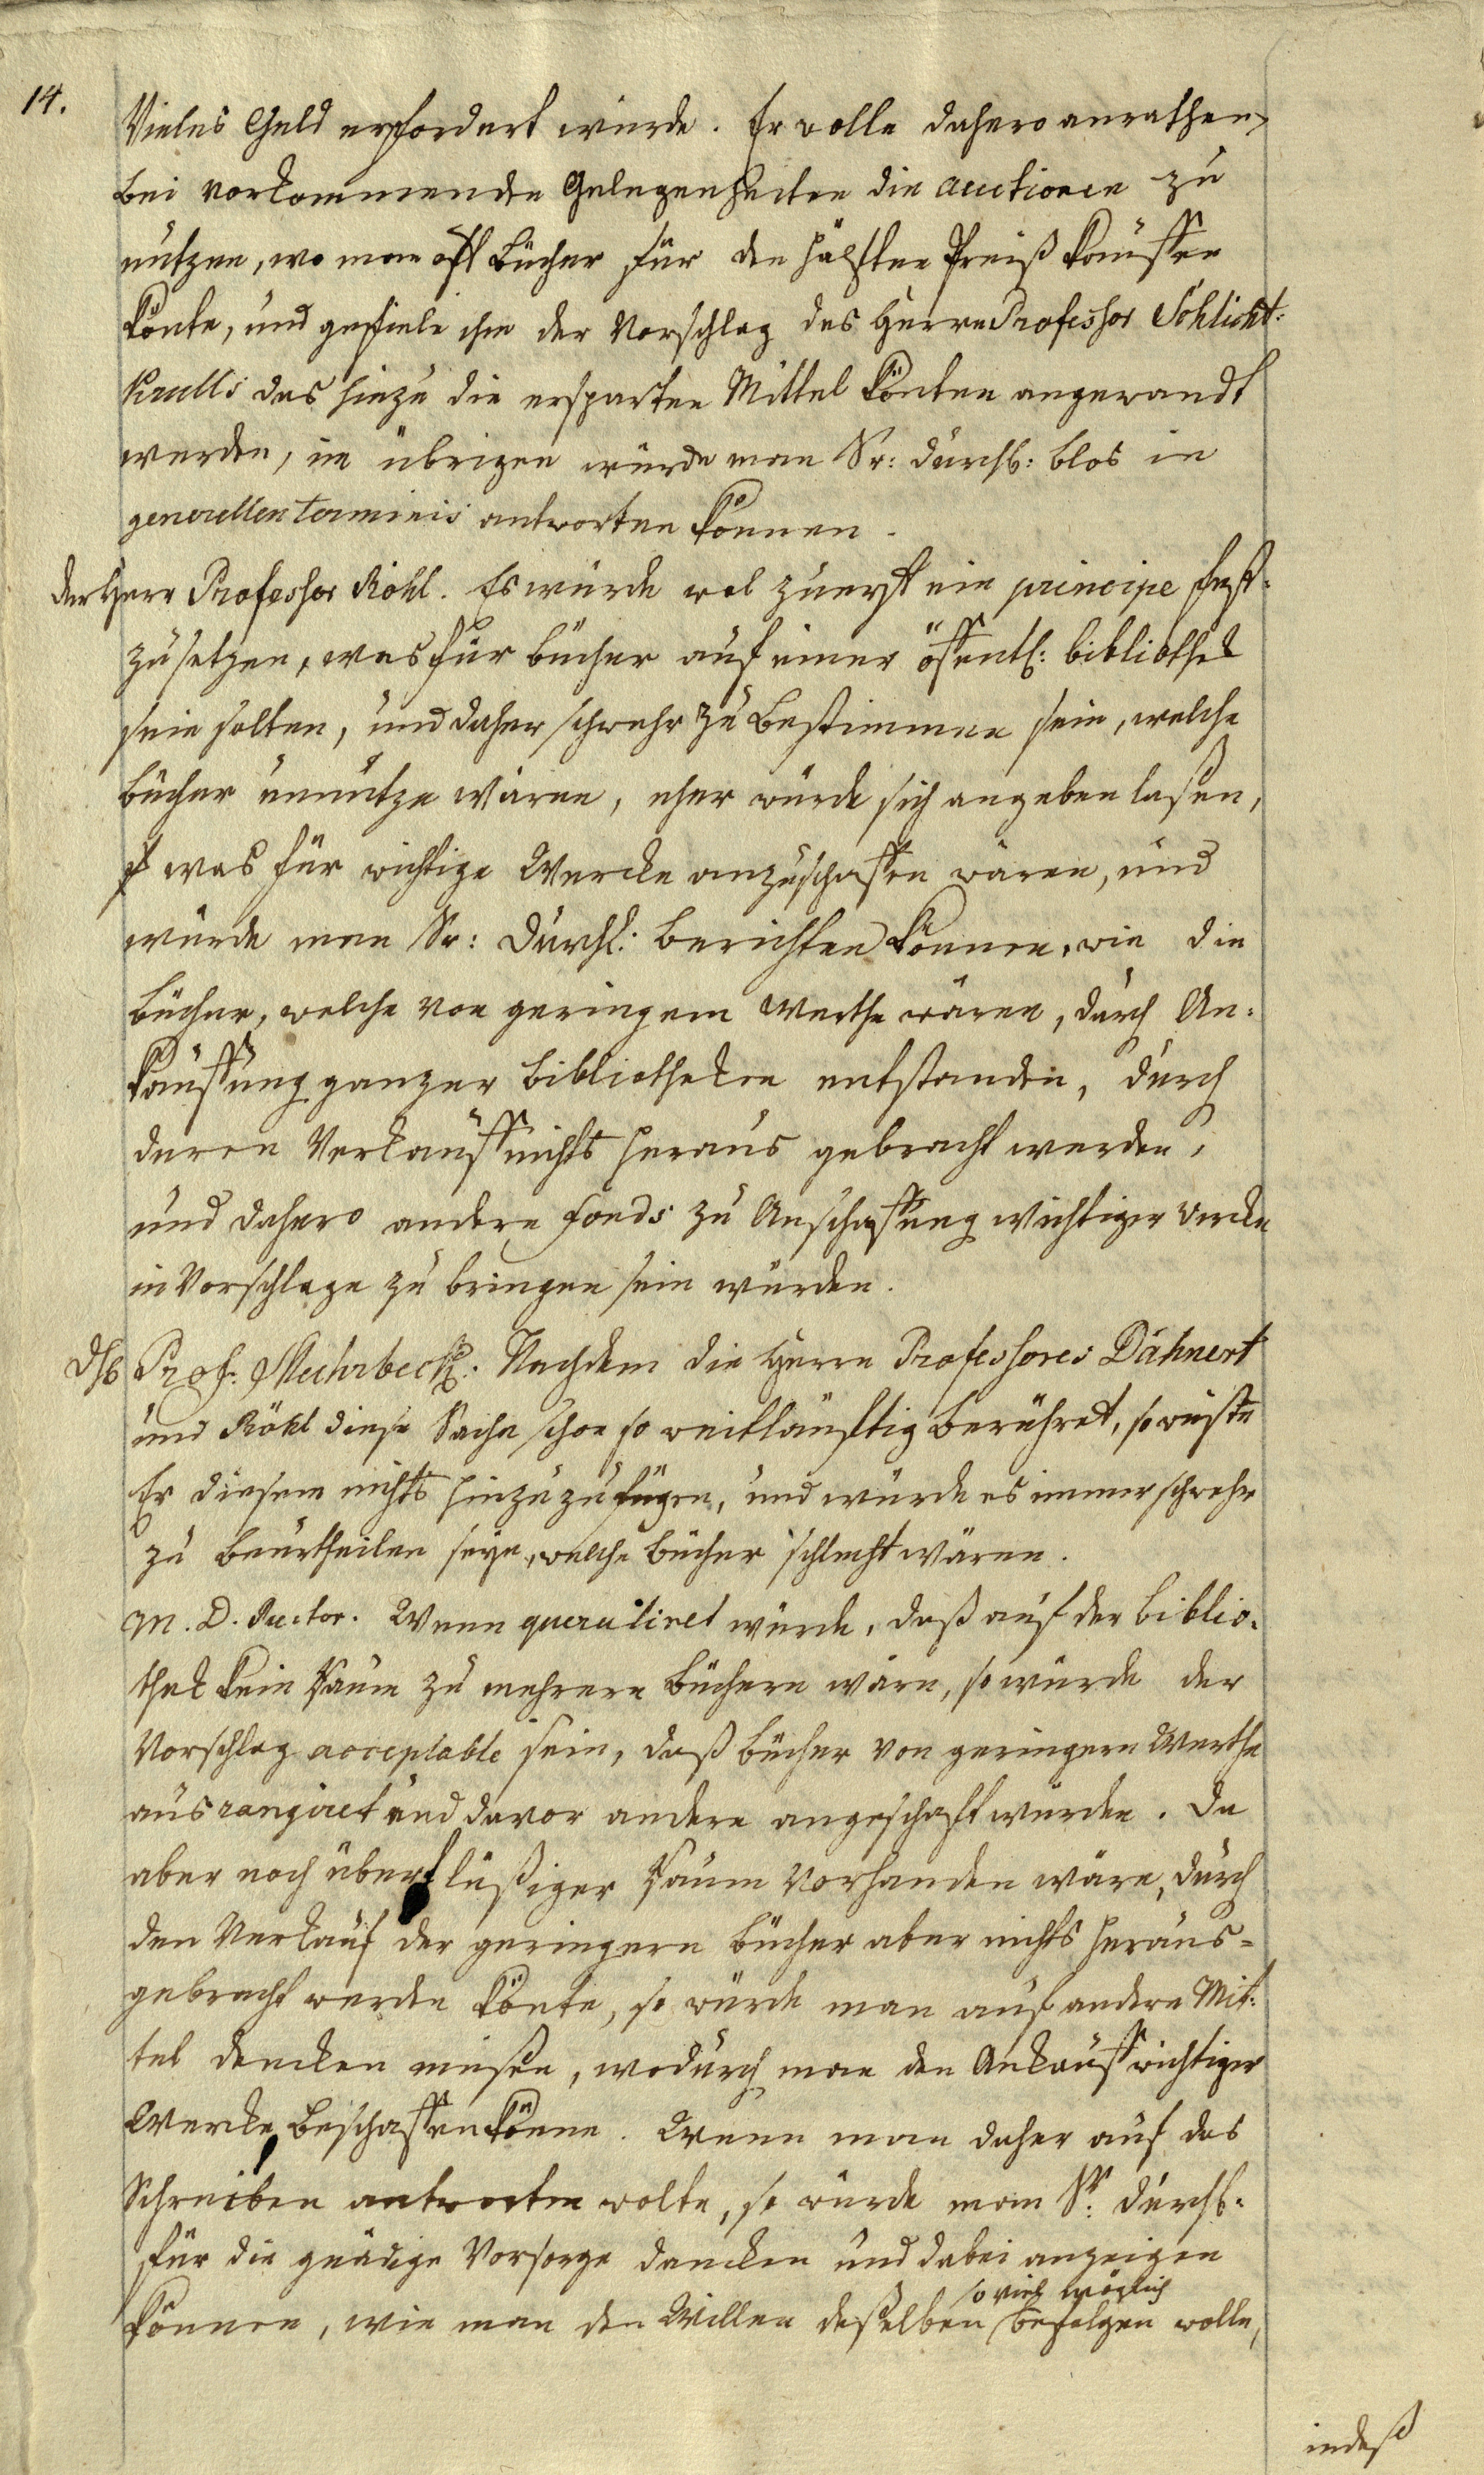Vieles Geld erfordert würde. Er wolle dahero anrathen,
bei vorkommenden Gelegenheiten die auctionen zu
nutzen, wo man oft Bücher für den hälften Preiß kauffen
könte, und gefiele ihm der Vorschlag, des Herrn Professor Schlicht¬
krulls das hiezu die ersparten Mittel könten angewandt
werden, im übrigen würde man Sr Durchl. blos in
generellen terminis antworten können.
Der Herr Professor Röhl. Es würde wohl zuerst ein principe fest¬
zusetzen, was für Bücher auf einer öffentl. Bibliothek
sein solten, und daher schwehr zu bestimmen sein, welche
Bücher unnütze wären, eher würde sich angeben laßen,
f was für wichtige Wercke anzuschaffen wären, und
würde man Sr: Durchl. berichten können, wie die
Bücher, welche von geringem Werthe wären, durch An¬
kaufung ganzer Bibliotheken entstanden, durch
deren Verkauf nichts heraus gebracht werden,
und dahero andere Fonds zu Anschaffung wichtiger Wercke
in Vorschlage zu bringen sein würden.
dh Prof. Muhrbeck. nachdem die Herrn Professores Dähnert
und Röhl diese Sache schon so weitläufig berühret, so wüste
Er diesem nichts hinzu zufügen, und würde es immer schwehr
zu beurtheilen seÿn, welche Bücher schlecht wären.
M. D. Rector. Wenn queruliret würde, daß auf der Biblio¬
thek kein Raum zu mehrern Büchern wäre, so würde der
Vorschlag acceptable sein, daß Bücher von geringern Werthe
ausrangiret und davor andere angeschaft würden. Da
aber noch überflüßiger Raum vorhanden wäre, durch
den Verkauf der geringern Bücher aber nichts heraus¬
gebracht werden könte, so würde man auf andere Mit¬
tel dencken müßen, wodurch man den Ankauf wichtiger
Wercke beschaffen könne. Wenn man daher auf das
Schreiben antworten wolte, so würde man Sr. Durchl.
für die gnädige Vorsorge dancken und dabei anzeigen
können, wie man den Willen deßelben so viel möglich befolgen wolle,
indeß